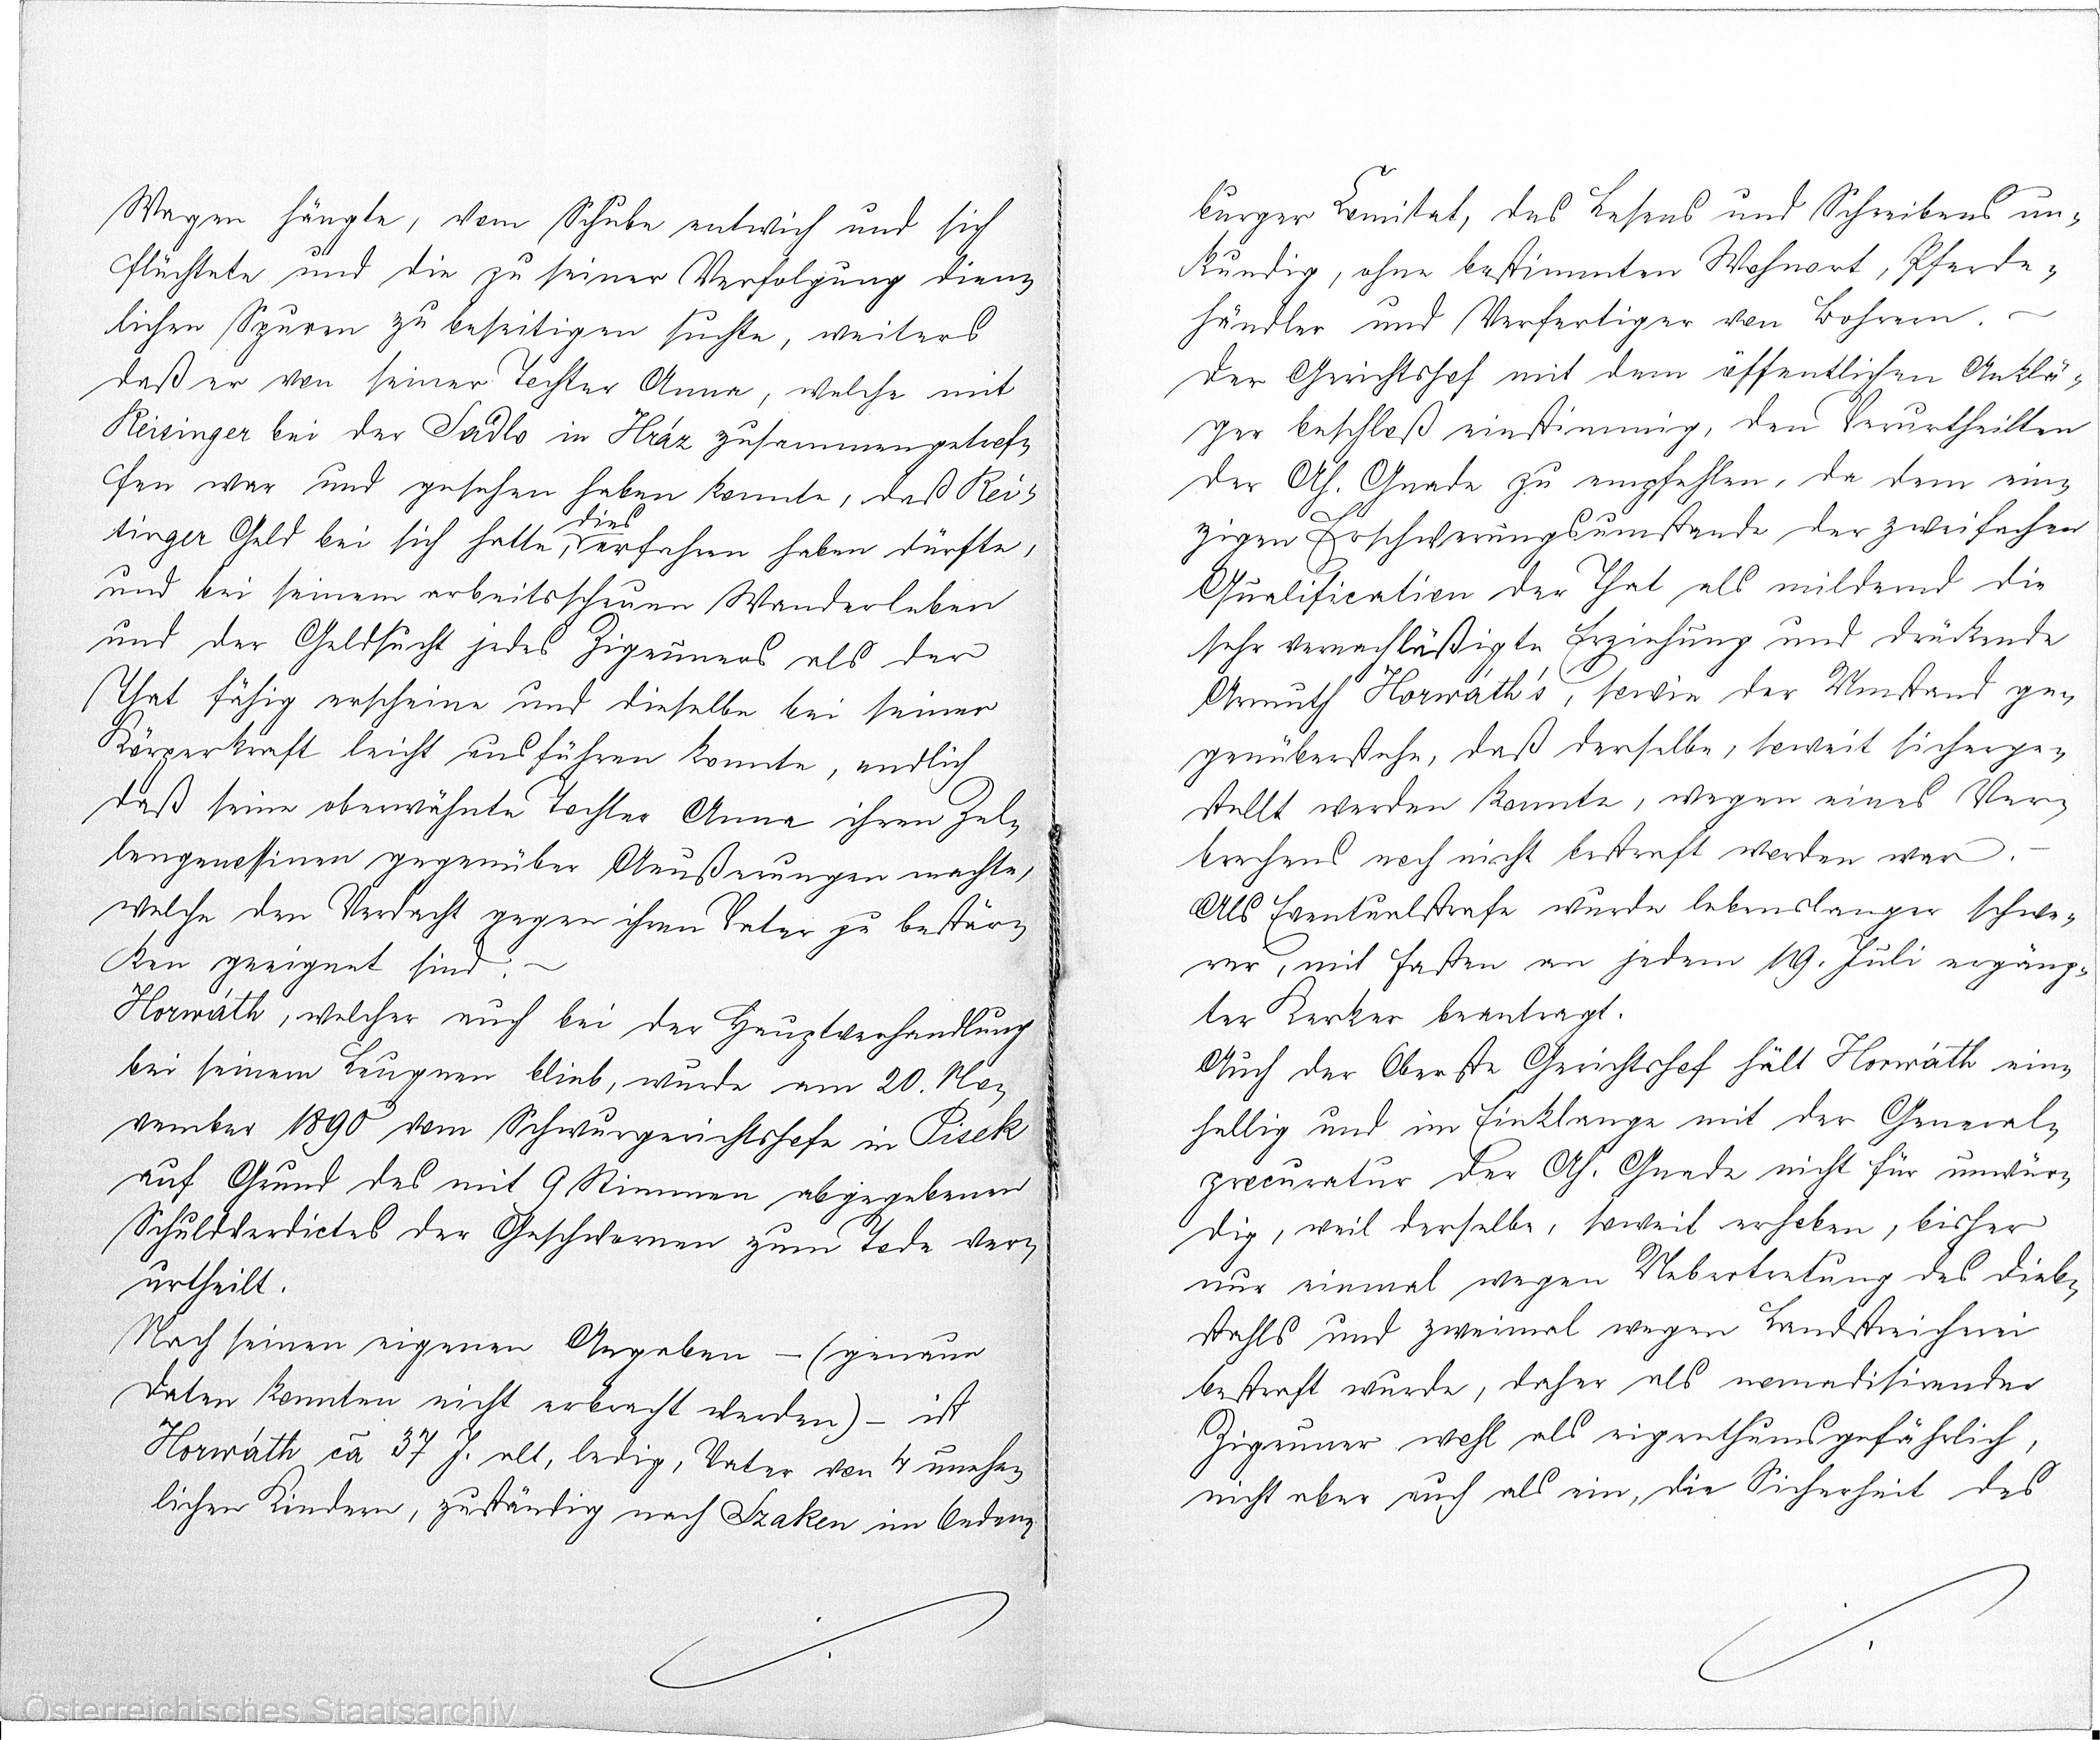Wagen hängte, vom Schube entwich und sich
flüchtete und die zu seiner Verfolgung dien¬
lichen Spuren zu beseitigen suchte, weiters
daß er von seiner Tochter Anna, welche mit
Reisinger bei der Sadlo in Hráz zusammengetrof¬
fen war und gesehen haben konnte, daß Rei¬
dies
singer Geld bei sich hatte, erfahren haben dürfte,
und bei seinem arbeitsscheuen Wanderleben
und der Geldsucht jedes Zigeuners als der
That fähig erscheine und dieselbe bei seiner
Körperkraft leicht ausführen konnte, endlich
daß seine oberwähnte Tochter Anna ihren Zel¬
lengenossinen gegenüber Aeußerungen machte,
welche den Verdacht gegen ihren Vater zu bestär¬
ken geeignet sind.
Horwáth, welcher auch bei der Hauptverhandlung
bei seinem Leugnen blieb, wurde am 20. No¬
vember 1890 vom Schwurgerichtshofe in Pisek
auf Grund des mit 9 Stimmen abgegebenen
Schuldverdictes der Geschwornen zum Tode ver¬
urtheilt.
Nach seinen eigenen Angaben – (genaue
Daten konnten nicht erbracht werden) – ist
Horwáth ca 37 J. alt, ledig, ater von 4 unehe¬
lichen Kindern, zuständig nach Szaken in Oeden¬
burger Comitet, das Lesens und Schreibens un¬
kündig, ohne bestimmten Wohnort, Pferde¬
händler und Verfertiger von Bohren.
Der Gerichtshof mit dem öffentlichen Anklä¬
ger beschloß einstimmig, den Verurtheilten
der Ah. Gnade zu empfehlen, da dem ein¬
zigen Erschwerungsumstande der zweifacher
Qualification der That als mildernd die
sehr vernachläßigte Erziehung und drückende
Armuth Horwárth’s, sowie der Umstand ge¬
genüberstehe, daß derselbe, soweit sicherge¬
stellt werden konnte, wegen eines Ver¬
brechens noch nicht bestraft werden war.–
Als Eventuelstrafe wurde lebenslanger schwe¬
rer, mit Fasten an jeden 19. Juli ergän¬
zter Kerker beantragt.
Auch der Oberste Gerichtshof hält Horwáth ein¬
hellig und im Einklange mit der General¬
procurator der Ah. Gnade nicht für unwür¬
dig, wel derselbe, soweit erheben, bisher
nur einmal wegen Uebertretung des Dieb¬
stahls und zweimal wegen Landstreicherei
bestraft wurde, daher als nomadisirnder
Zigeuner wohl als eingethumsgefährlich,
nicht eben auch als ein, die Sicherheit des